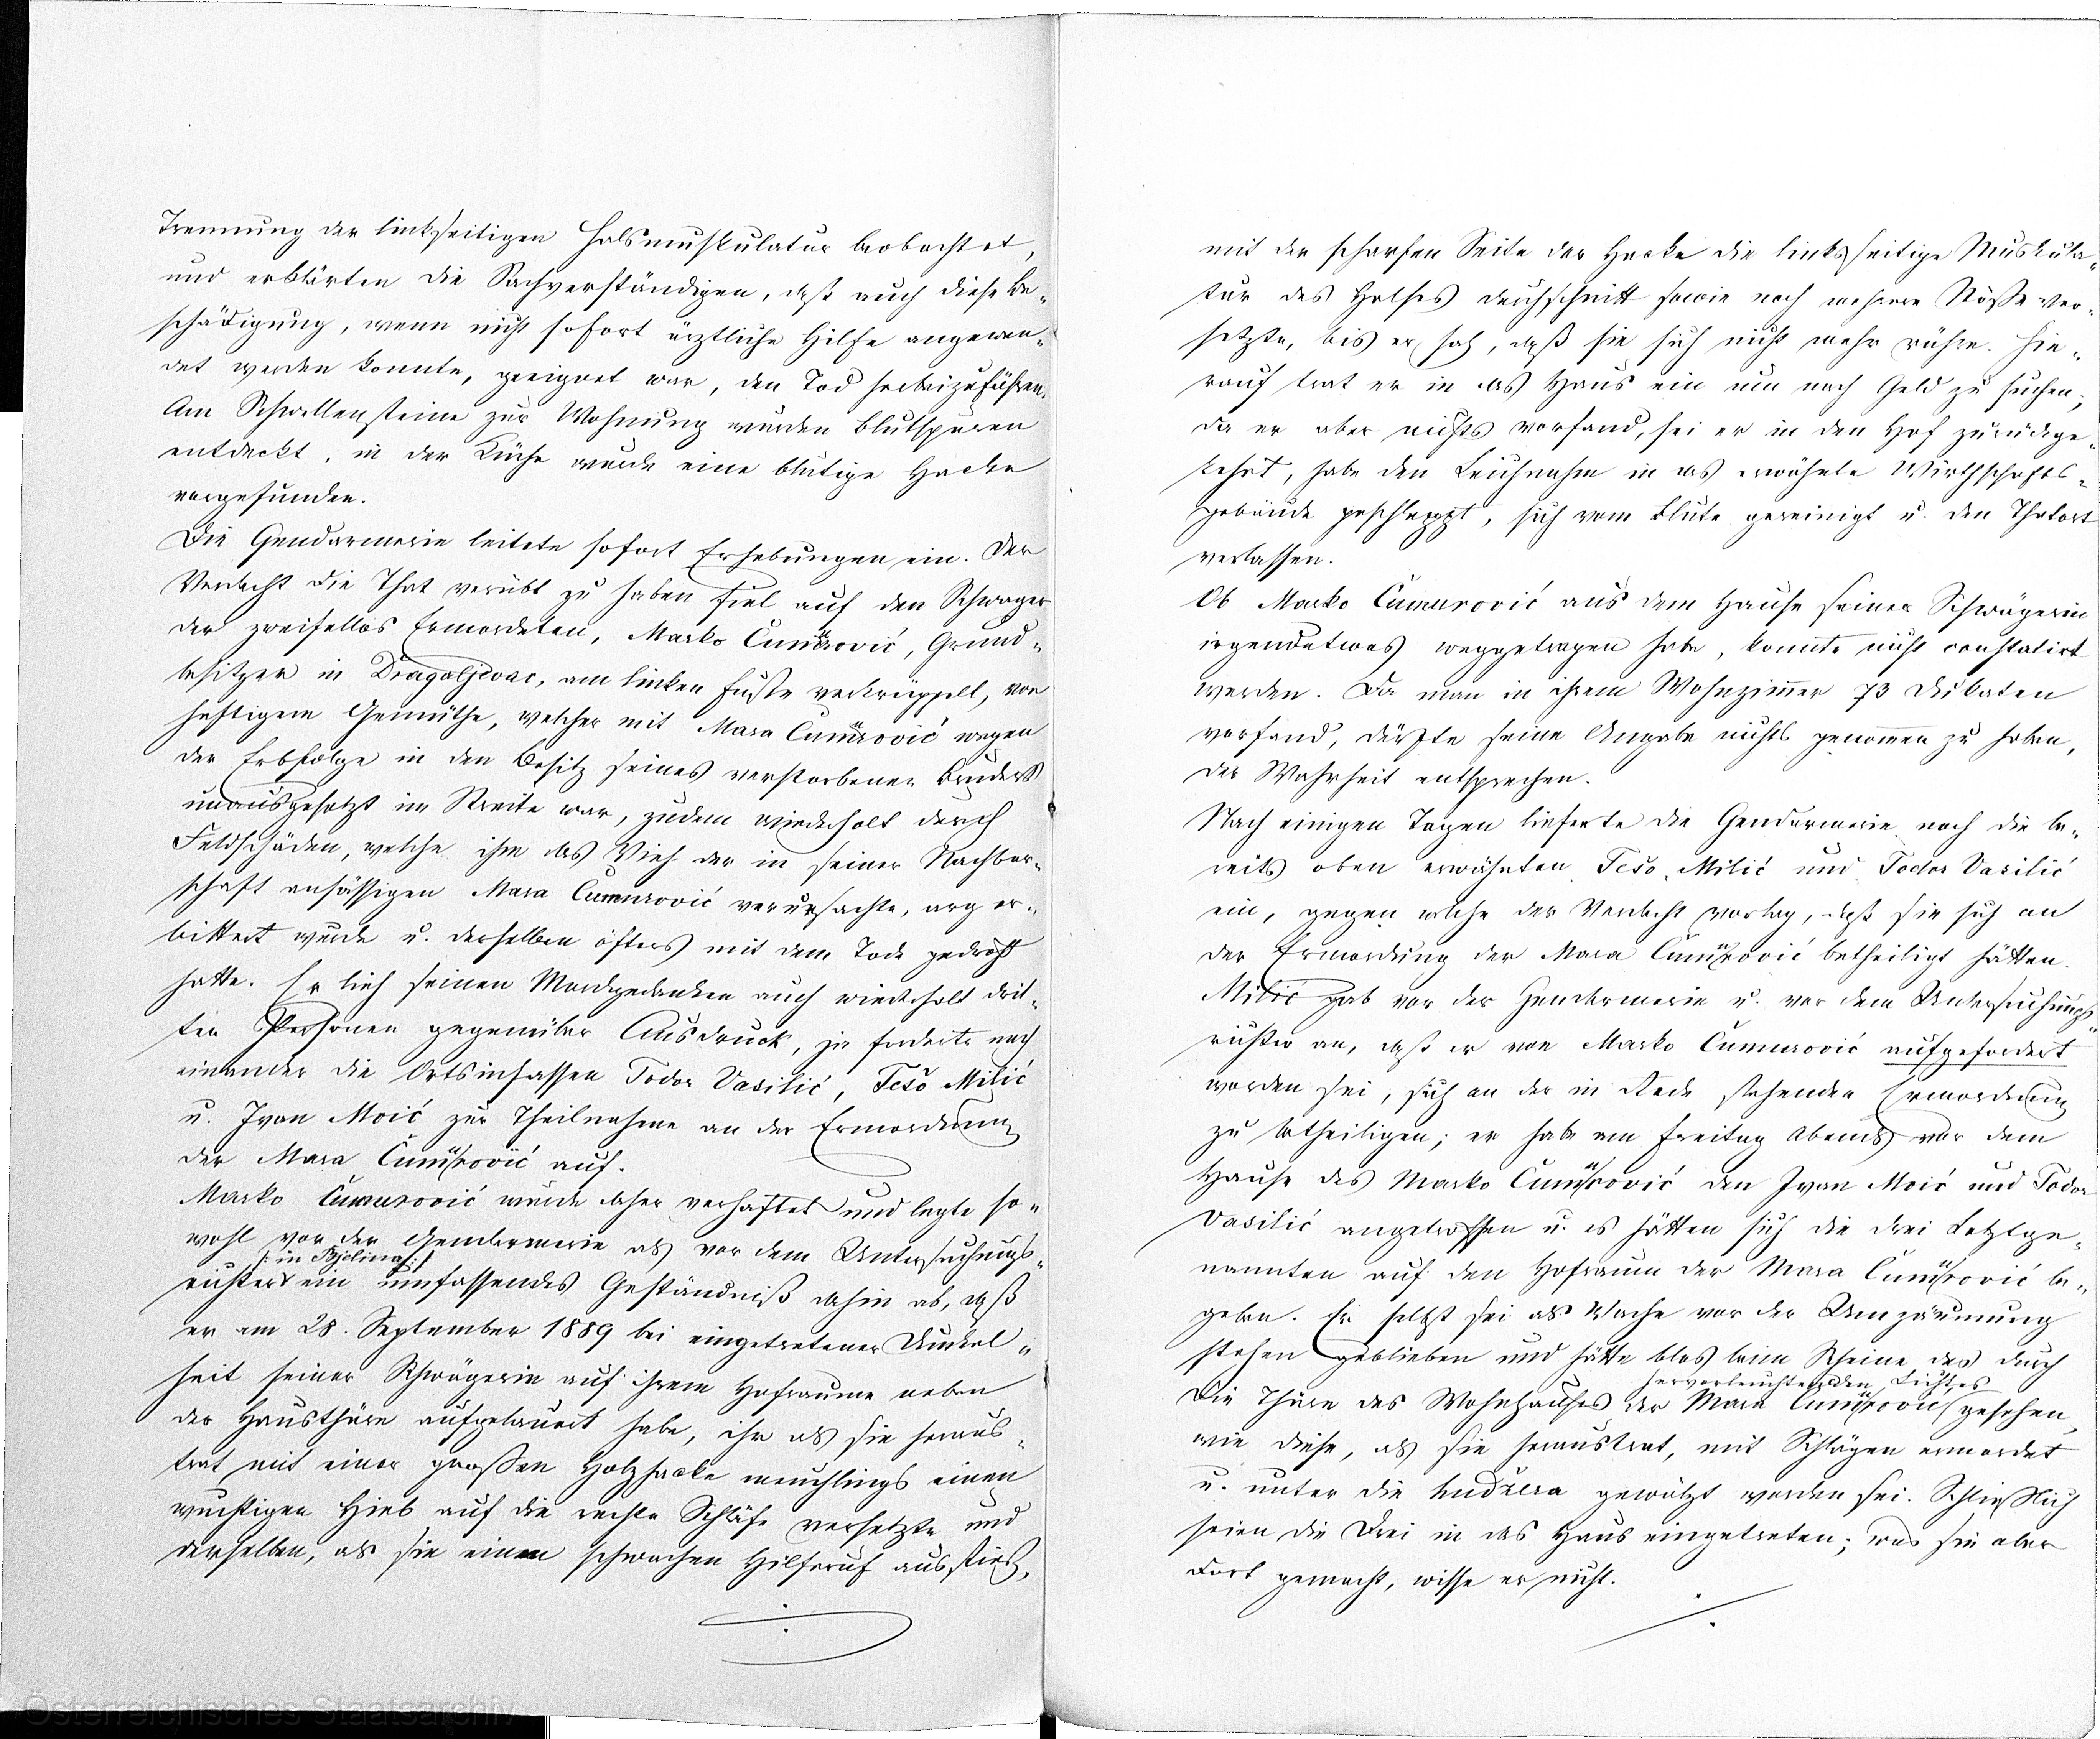Trennung der linkseitigen Halsmuskulatur beobachtet,
nur erklärten die Sachverständigen, daß auch diese Be¬
schädigung, wenn nicht sofort ärztliche Hilfe angewen¬
det werden konnte, geeignet war, den Tod herbeizuführen.
Am Schwellenstein zur Wohnung wurden Blutspuren
entdeckt, in der Küche wurde eine blutige Hacke
vorgefunden.
Die Gendarmerie leitete sofort Erhebungen ein. Der
Verdacht die That verübt zu haben fiel auf den Schwager
der zweifellos Ermordeten, Marko Cumurović, Grund
besitzer in Dragoljevac, am linken Fuße verkrüppelt, von
heftigem Gemüthe, welcher mit Mara Cumurović wegen
der Erbfolge in den Besitz seines verstorbene Bruders
unausgesetzt im Streite war, zudem wiederholt durch
Feldschäden, welche ihm das Vieh der in seiner Nachbar¬
schaft ansässigen Mara Cumurović verursachte, arg er¬
bittert wurde u. derselben öfters mit dem Tode gedroht
hatte. Er lieh seinen Mordgedanken auch wiederholt drit¬
ten Personen gegenüber Ausdruck, ja forderte nach
einander die Ortsinsassen Todor Vasilić, Teso Milić
u. Ivan Moić zur Theilnahme an der Ermordung
der Mara Cumurović auf.
Marko Cumurović wurde daher verhaftet und legte so¬
wohl von der Gendarmerie es vor dem Untersuchungs¬
/:in Bjelina:/
richter ein umfassendes Geständniß dahin ab, daß
er am 28. September 1889 bei eingetretener Dunkel¬
heit seiner Schwäger auf ihrem Hofraume neben
der Hausthüre aufgelauert habe, ihr es sie heraus¬
trat mit einer großen Holzhacke meuchlings einen
wuchtigen Hieb auf die rechte Schläfe versetzte und
derselben, als sie einen schwochen Hilferuf ausstieß,
mit der scharfen Seite der Hacke die linksseitige Muskula¬
tur des Halses Deichschnitt sowie noch mehrere Nöße ver¬
setzte, bis er sah, daß sie sich nicht mehr rühre. Hie¬
rauf trat er in das Haus ein um nach Geld zu suchen;
da er aber nichts vorfand, sei er in den Hof zurückge¬
kehrt, habe den Leichnahm in das erwöxxte Wirthschafts¬
gebäude geschleppt, sich vom Blute gereinigt u. den Thatort
verlassen.
Ob Marko Cumurović aus dem Hause seiner Schwägerin
irgend etwas weggetragen habe, konnte nicht constatirt
werden. Da man in ihrem Wohnzimmer 73 Dukaten
vorfand, dürfte seine Angabe nichts genommen zu haben,
des Wahrheit entsprechen.
Nach einigen Tagen lieferte die Gendarmerie nach die be¬
reits oben erwähnten Tešo, Milić und Todor Vasilić
ein, gegen welche der Verdacht vorlag, daß sie sich an
der Ermordung der Mara Cumurović betheiligt hätten.
Milić gab vor der Gendarmerie u. vor dem Untersuchungs¬
richter an, daß er von Marko Cumurović aufgefordert
worden sei, sich an der in Rede stehende Ermordung
zu betheiligen, er habe am Freitag Abends vor dem
Hause des Marko Cumurović den Ivan Moić und Todor
Vasilić angetroffen u. es hätten sich die drei Letztge¬
nannten auf den Hofraum der Mara Cumurović be¬
geben. Er selbst sei xx klage vor der Umzäumung
stehen geblieben und hätte blos leim Rheine des durch
hervorleuchtenden Lichtes
die Thüre des Wohnhauses der Mara Cumurović gesehen,
wie diese, als sie heraustrat, mit Schlägen ermordet
u. unter die hudžera gewälzt worden sei. Schließlich
seien die Drei in das Haus eingetreten; was sie aber
Fort gemacht, wisse er nicht.